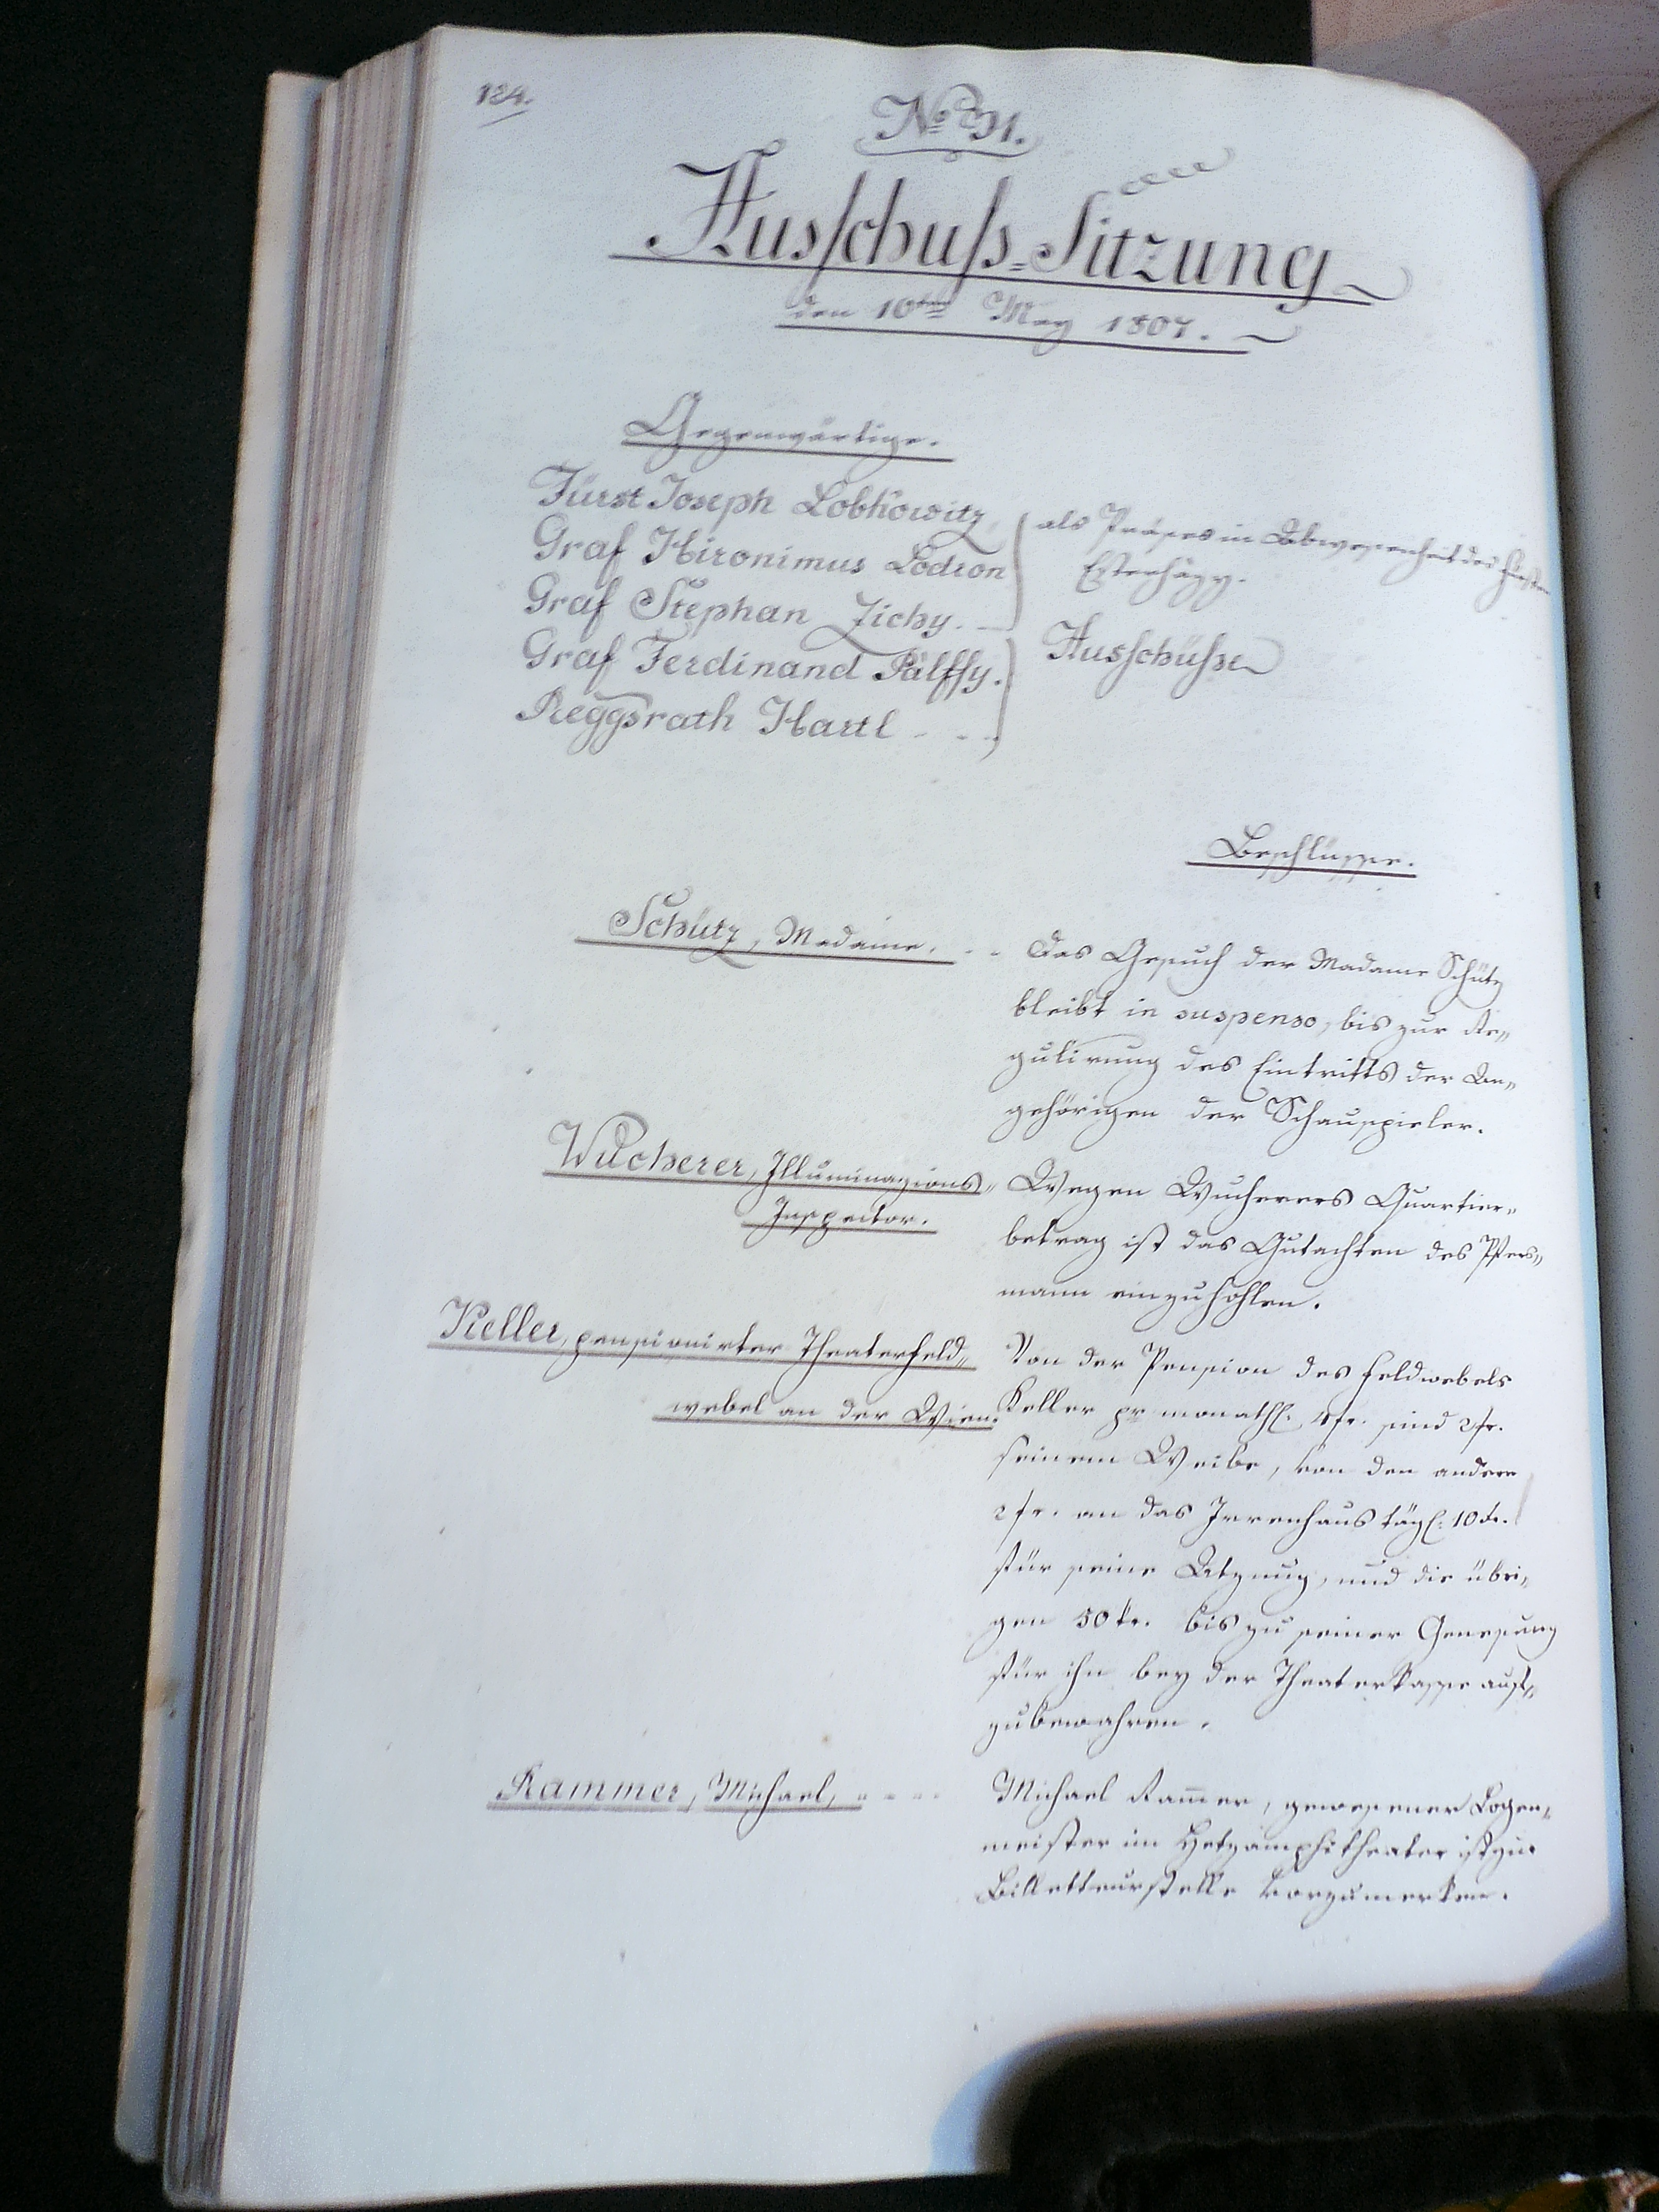124.
No͇ 31.
Ausschuss‗Sitzung
den 10te͇n May 1807.
Gegenwärtige.
Fürst Joseph Lobkowitz als Präses in Abwesenheit des Fürsten
Esterhàzy.
Graf Hironimus Lodron
Graf Stephan Zichy.
Graf Ferdinand Pàlffy.
Reg͞gsrath Hartl
Ausschüsse
Beschlüsse.
Schütz, Madame. . .. Des Gesuch der Madame Schütz
bleibt in suspenso, bis zur Re¬
gulirung des Eintritts der An¬
gehörigen der Schauspieler.
Wucherer, Illuminazions¬
Inspector.
Wegen Wucherers Quartier¬
betrag ist das Gutachten des Pfers¬
mann einzuhohlen.
Keller, pensionirter Theaterfeld¬
webel an der Wien.
Von der Pension des Feldwebels
Keller pr monathl: 4fr. sind 2fr.
seinem Weibe, von den andern
2fr. an das Irrenhaus tägl: 10kr.
für seine Atzug, und die übri¬
gen 50kr. bis zu sein̅er Genesung
für ihn bey der Theaterkasse auf¬
zubewahren.
Rammer, Michael, .. .. .. Michael Ram̅er, gewesener Logen¬
meister im Hetzamphitheater ist zur
Billetteurstelle vorzumerken.